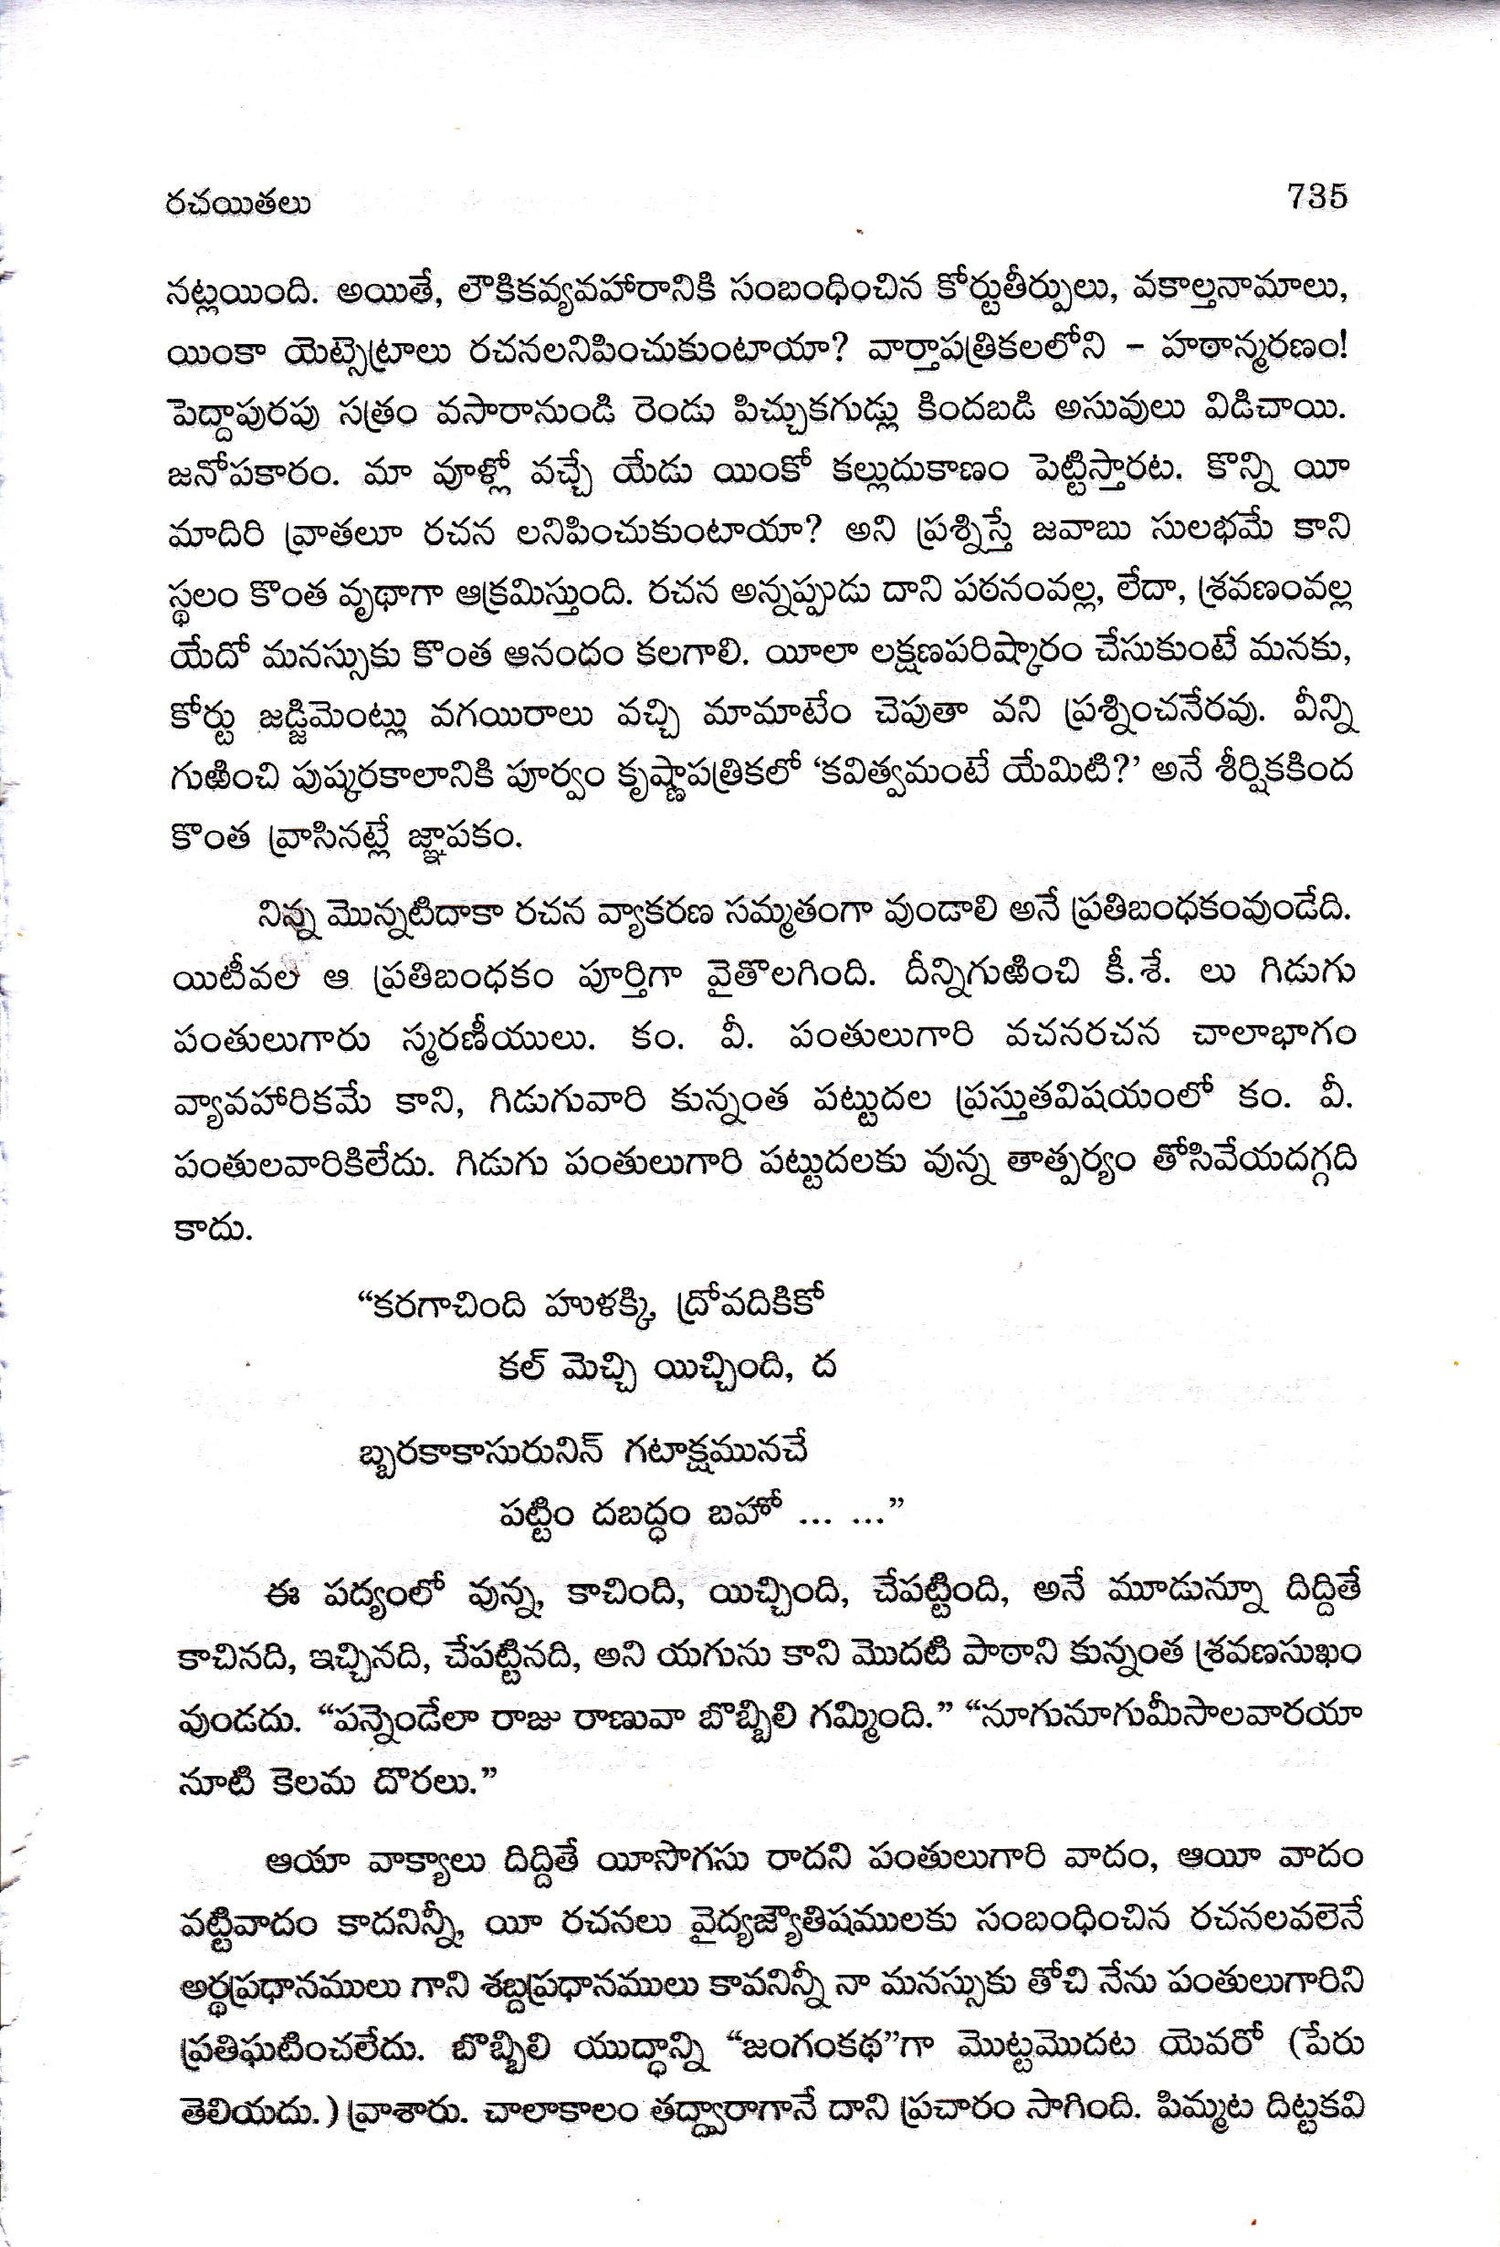నట్లయింది. అయితే, లౌకికవ్యవహారానికి సంబంధించిన కోర్టుతీర్పులు, వకాల్తానామాలు, యింకా యెట్సెట్రాలు రచనలనిపించుకుంటాయా? వార్తాపత్రికలలోని - హఠాన్మరణం! పెద్దాపురపు సత్రం వసారానుండి రెండు పిచ్చుకగుడ్లు కిందబడి అసువులు విడిచాయి. జనోపకారం. మా వూళ్లో వచ్చే యేడు యింకో కల్లుదుకాణం పెట్టిస్తారట. కొన్ని యీ మాదిరి వ్రాతలూ రచన లనిపించుకుంటాయా? అని ప్రశ్నిస్తే జవాబు సులభమే కాని స్థలం కొంత వృథాగా ఆక్రమిస్తుంది. రచన అన్నప్పుడు దాని పఠనంవల్ల, లేదా, శ్రవణంవల్ల యేదో మనస్సుకు కొంత ఆనందం కలగాలి. యీలా లక్షణపరిష్కారం చేసుకుంటే మనకు, కోర్టు జడ్జిమెంట్లు వగయిరాలు వచ్చి మామాటేం చెపుతా వని ప్రశ్నించనేరవు. వీన్ని గుఱించి పుష్కరకాలానికి పూర్వం కృష్ణాపత్రికలో కవిత్వమంటే యేమిటి?' అనే శీర్షికకింద కొంత వ్రాసినట్లే జ్ఞాపకం.

నిన్న మొన్నటిదాకా రచన వ్యాకరణ సమ్మతంగా వుండాలి అనే ప్రతిబంధకంవుండేది. యిటీవల ఆ ప్రతిబంధకం పూర్తిగా వైతొలగింది. దీన్నిగుఱించి కీ.శే. లు గిడుగు పంతులుగారు స్మరణీయులు. కం. వీ. పంతులుగారి వచనరచన చాలాభాగం వ్యావహారికమే కాని, గిడుగువారి కున్నంత పట్టుదల ప్రస్తుతవిషయంలో కం. వీ. పంతులవారికిలేదు. గిడుగు పంతులుగారి పట్టుదలకు వున్న తాత్పర్యం తోసివేయదగ్గది కాదు.

“కరగాచింది హుళక్కి ద్రోవదికికో
 కల్ మెచ్చి యిచ్చింది, ద
 బ్బరకాకాసురునిన్ గటాక్షమునచే
 పట్టిం దబద్ధం బహో ... ... ".
ఈ పద్యంలో వున్న కాచింది, యిచ్చింది, చేపట్టింది, అనే మూడున్నూ దిద్దితే కాచినది, ఇచ్చినది, చేపట్టినది, అని యగును కాని మొదటి పాఠాని కున్నంత శ్రవణసుఖం వుండదు. “పన్నెండేలా రాజు రాణువా బొబ్బిలి గమ్మింది.” “నూగునూగుమీసాలవారయా నూటి కెలమ దొరలు."

ఆయా వాక్యాలు దిద్దితే యీసొగసు రాదని పంతులుగారి వాదం, ఆయీ వాదం వట్టివాదం కాదనిన్నీ యీ రచనలు వైద్యజ్యౌతిషములకు సంబంధించిన రచనలవలెనే అర్థప్రధానములు గాని శబ్దప్రధానములు కావనిన్నీ నా మనస్సుకు తోచి నేను పంతులుగారిని ప్రతిఘటించలేదు. బొబ్బిలి యుద్ధాన్ని "జంగంకథ"గా మొట్టమొదట యెవరో (పేరు తెలియదు.) వ్రాశారు. చాలాకాలం తద్ద్వారాగానే దాని ప్రచారం సాగింది. పిమ్మట దిట్టకవి